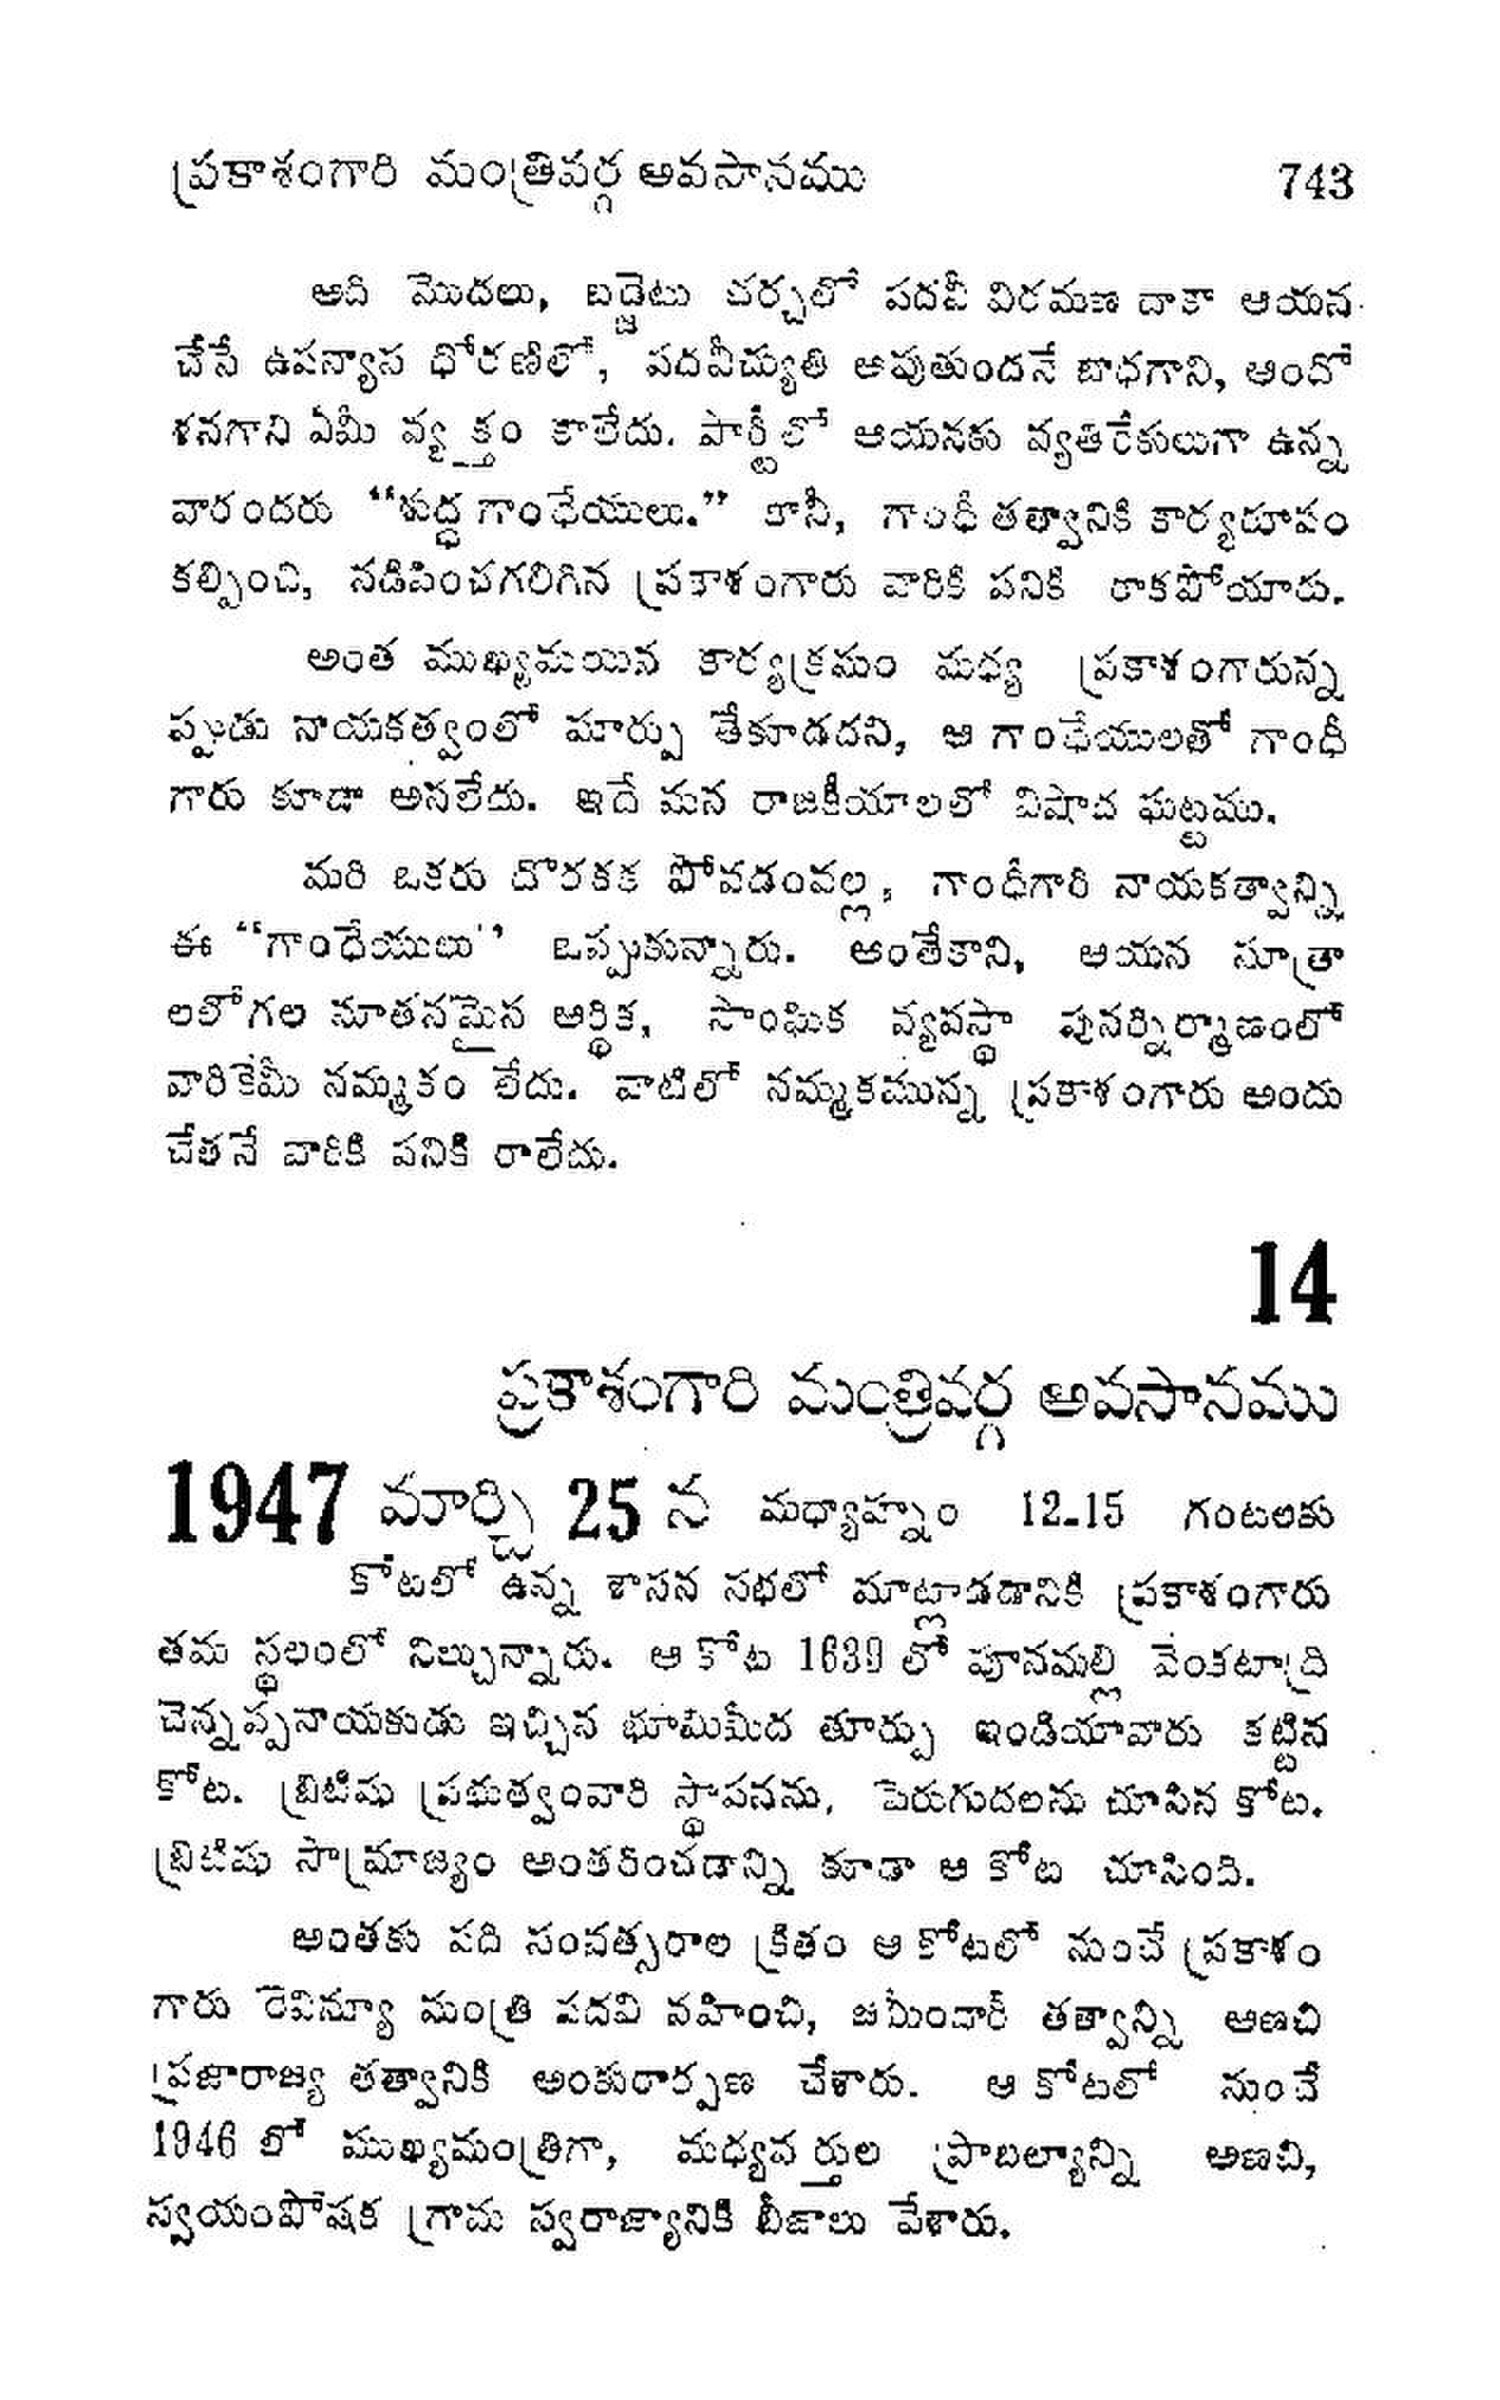అది మొదలు, బడ్జెట్టు చర్చలో పదవీ విరమణ దాకా ఆయన చేసే ఉపన్యాస ధోరణిలో, పదవీచ్యుతి అవుతుందనే బాధగాని, ఆందోళనగాని ఏమీ వ్యక్తం కాలేదు. పార్టీలో ఆయనకు వ్యతిరేకులుగా ఉన్న వారందరు "శుద్ధ గాంధేయులు." కానీ, గాంధీ తత్వానికి కార్యరూపం కల్పించి, నడిపించగలిగిన ప్రకాశంగారు వారికి పనికి రాకపోయారు.

అంత ముఖ్యమయిన కార్యక్రమం మధ్య ప్రకాశంగారున్నప్పుడు నాయకత్వంలో మార్పు తేకూడదని, ఆ గాంధేయులతో గాంధీగారు కూడా అనలేదు. ఇదే మన రాజకీయాలలో విషాద ఘట్టము.

మరి ఒకరు దొరకక పోవడంవల్ల, గాంధీగారి నాయకత్వాన్ని ఈ "గాంధేయులు" ఒప్పుకున్నారు. అంతేకాని, ఆయన సూత్రాలలోగల నూతనమైన ఆర్థిక, సాంఘిక వ్యవస్థా పునర్నిర్మాణంలో వారికేమీ నమ్మకం లేదు. వాటిలో నమ్మకమున్న ప్రకాశంగారు అందుచేతనే వారికి పనికి రాలేదు.

1947 మార్చి 25 న మధ్యాహ్నం 12-15 గంటలకు కోటలో ఉన్న శాసన సభలో మాట్లాడడానికి ప్రకాశంగారు తమ స్థలంలో నిల్చున్నారు. ఆ కోట 1630 లో పూనమల్లి వేంకటాద్రి చెన్నప్పనాయకుడు ఇచ్చిన భూమిమీద తూర్పు ఇండియావారు కట్టిన కోట. బ్రిటిషు ప్రభుత్వంవారి స్థాపనను, పెరుగుదలను చూసిన కోట. బ్రిటిషు సామ్రాజ్యం అంతరించడాన్ని కూడా ఆ కోట చూసింది.

అంతకు పది సంవత్సరాల క్రితం ఆ కోటలో నుంచే ప్రకాశంగారు రెవిన్యూ మంత్రి పదవి వహించి, జమీందారీ తత్త్వాన్ని అణచి ప్రజారాజ్య తత్వానికి అంకురార్పణ చేశారు. ఆ కోటలో నుంచే 1946 లో ముఖ్యమంత్రిగా, మధ్యవర్తుల ప్రాబల్యాన్ని అణచి, స్వయంపోషక గ్రామ స్వరాజ్యానికి బీజాలు వేశారు.